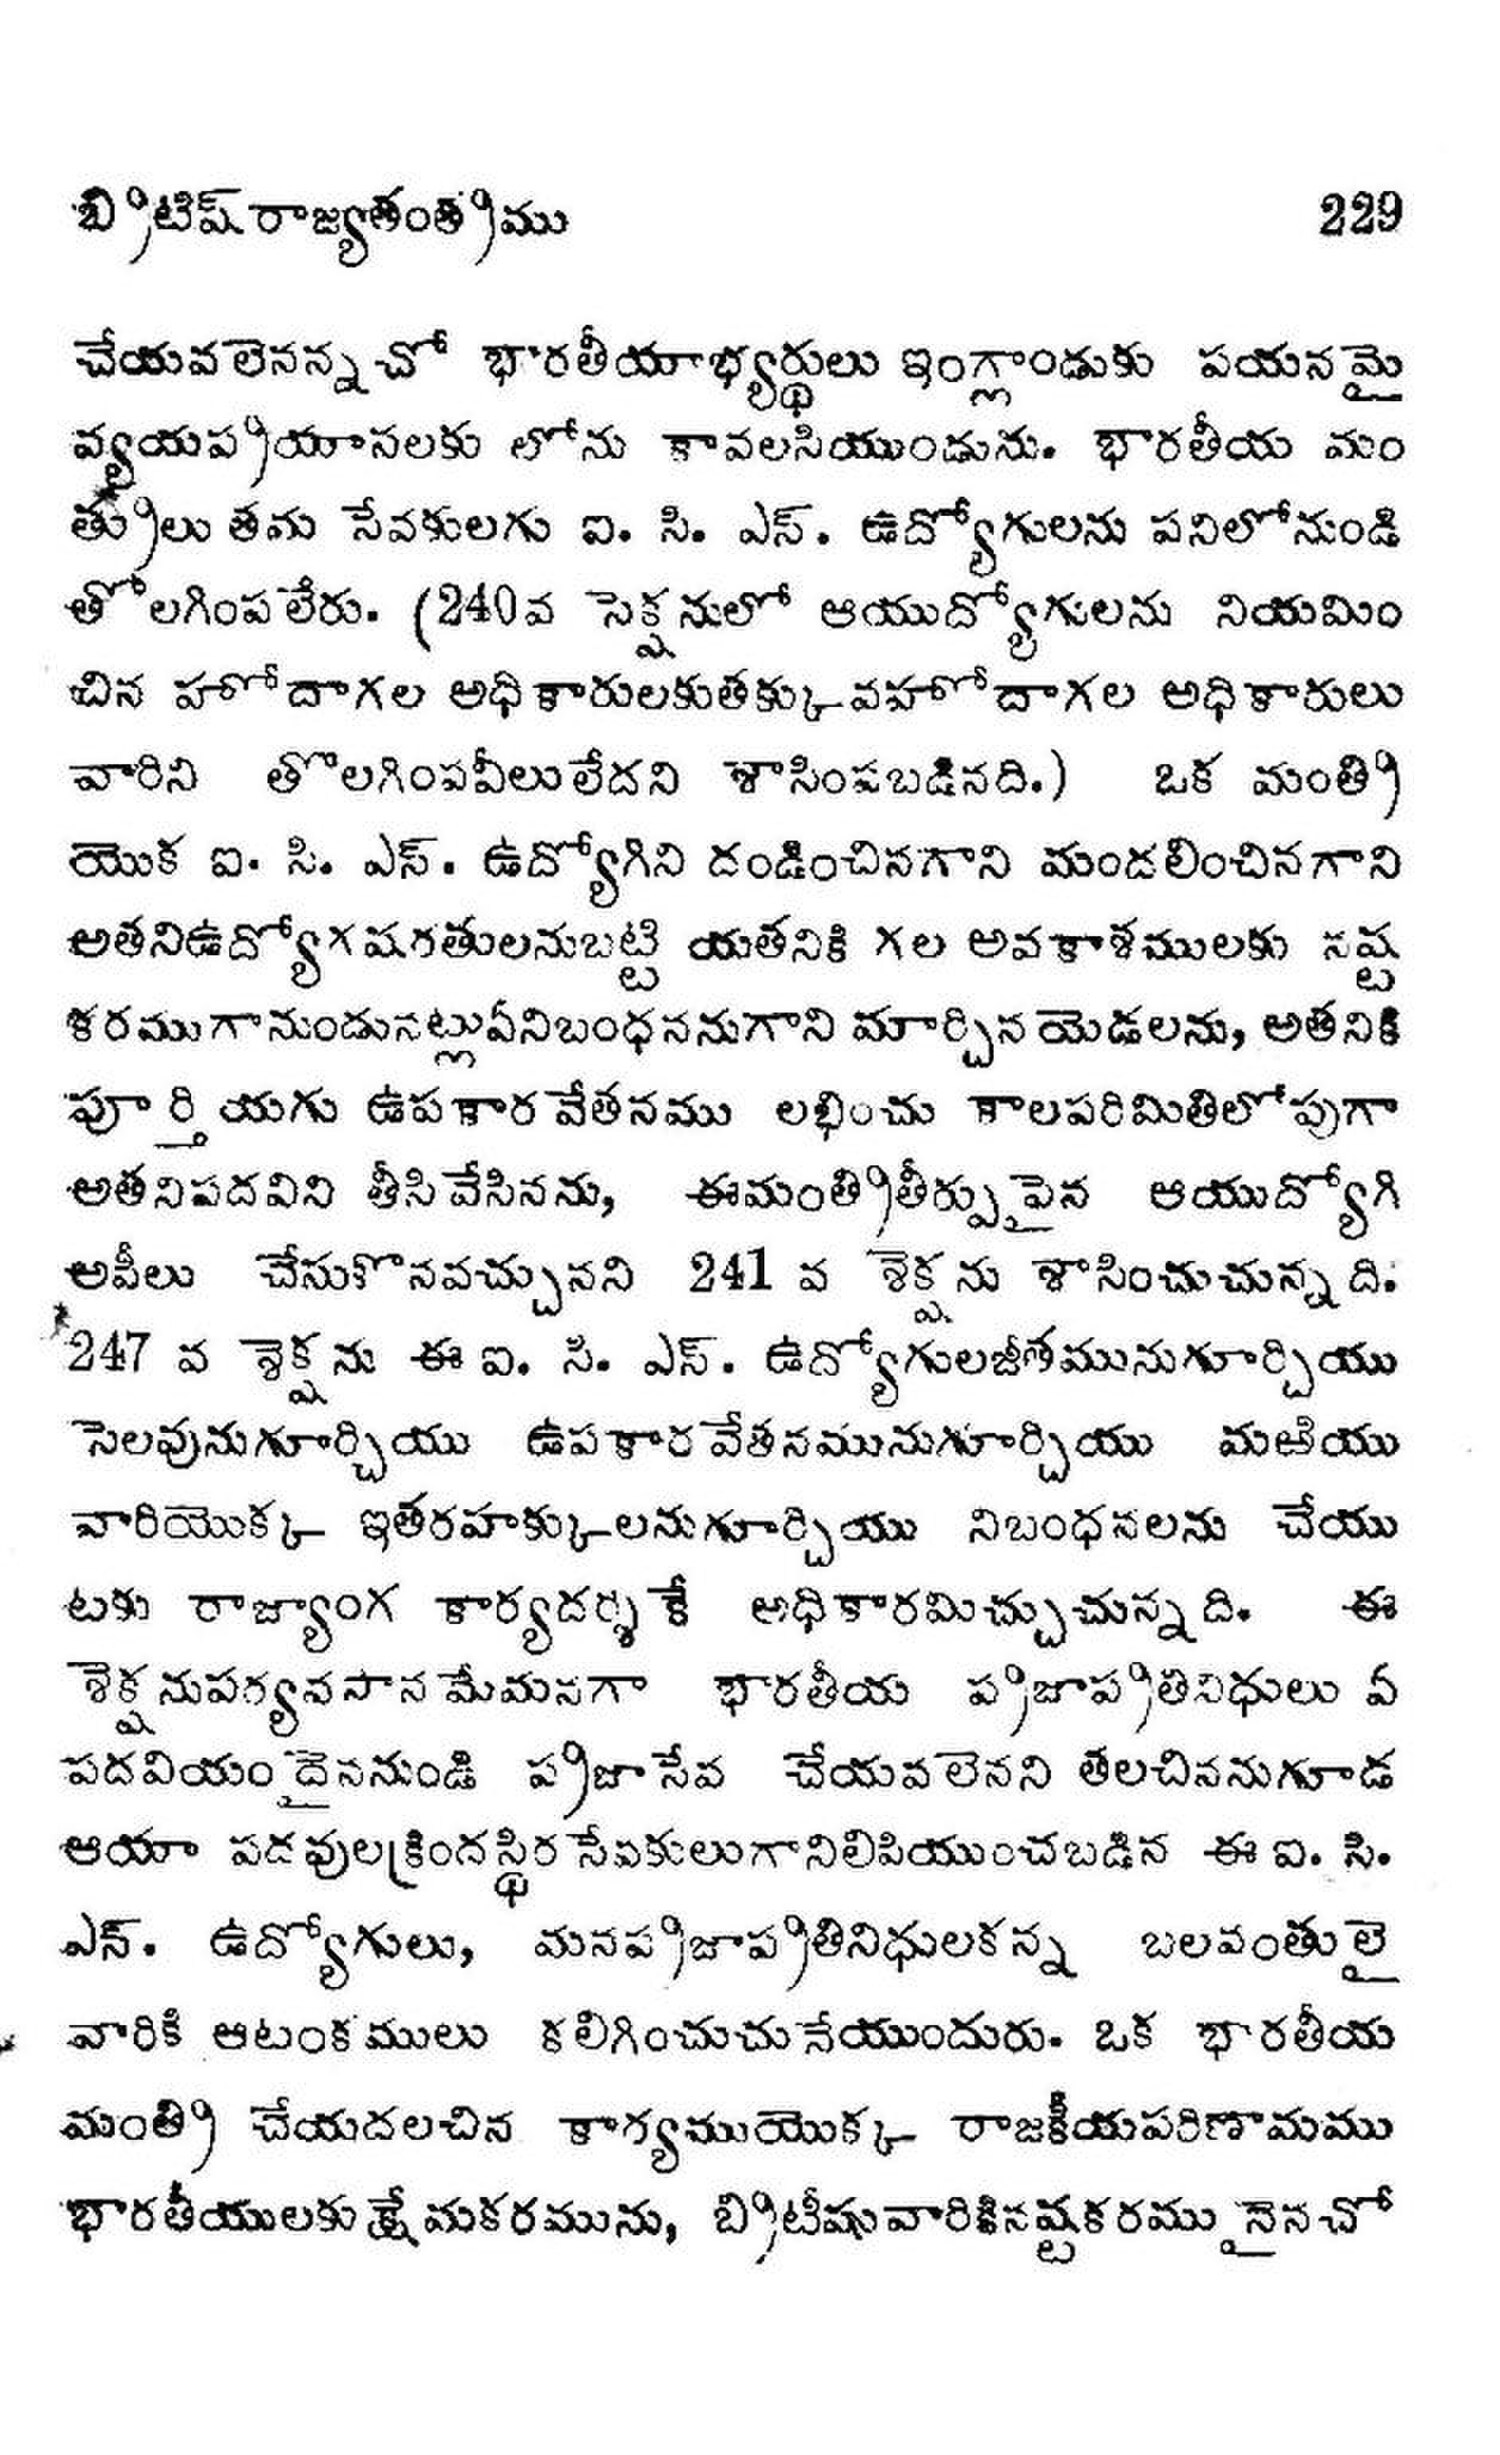చేయవలెనన్నచో భారతీయాభ్యర్థులు ఇంగ్లాండుకు పయనమై వ్యయప్రయాసలకు లోను కావలసియుండును. భారతీయ మంత్రులు తమ సేవకులగు ఐ. సి. ఎస్. ఉద్యోగులను పనిలోనుండి తోలగింపలేరు. (240వ సెక్షనులో ఆయుద్యోగులను నియమించిన హోదాగల అధికారులకు తక్కువహోదాగల అధికారులు వారిని తొలగింపవీలులేదని శాసింపబడినది.) ఒక మంత్రి యొక ఐ. సి. ఎస్. ఉద్యోగిని దండించినగాని మందలించినగాని అతని ఉద్యోగషరతులనుబట్టి యతనికి గల అవకాశములకు నష్టకరముగా నుండునట్లు ఏనిబంధననుగాని మార్చినయెడలను, అతనికి పూర్తియగు ఉపకారవేతనము లభించు కాలపరిమితిలోపుగా అతనిపదవిని తీసివేసినను, ఈమంత్రితీర్పుపైన ఆయుద్యోగి అపీలు చేసుకొనవచ్చునని 241 వ శెక్షను శాసించుచున్నది. 247 వ శెక్షను ఈ ఐ. సి. ఎస్. ఉద్యోగుల జీతమునుగూర్చియు
సెలవునుగూర్చియు ఉపకారవేతనమునుగూర్చియు మఱియు వారియొక్క ఇతరహక్కులనుగూర్చియు నిబంధనలను చేయుటకు రాజ్యాంగ కార్యదర్శికే అధికారమిచ్చుచున్నది. ఈ శెక్షనుపర్యవసానమేమనగా భారతీయ ప్రజాప్రతినిధులు ఏ పదవియందైననుండి ప్రజాసేవ చేయవలెనని తలచిననుగూడ ఆయా పదవులక్రింద స్థిర సేవకులుగా నిలిపియుంచబడిన ఈ ఐ. సి. ఎస్. ఉద్యోగులు, మన ప్రజాప్రతినిధులకన్న బలవంతులై వారికి ఆటంకములు కలిగించుచునేయుందురు. ఒక భారతీయమంత్రి చేయదలచిన కార్యముయొక్క రాజకీయపరిణామము భారతీయులకు క్షేమకరమును, బ్రిటీషువారికి సష్టకరము నైనచో